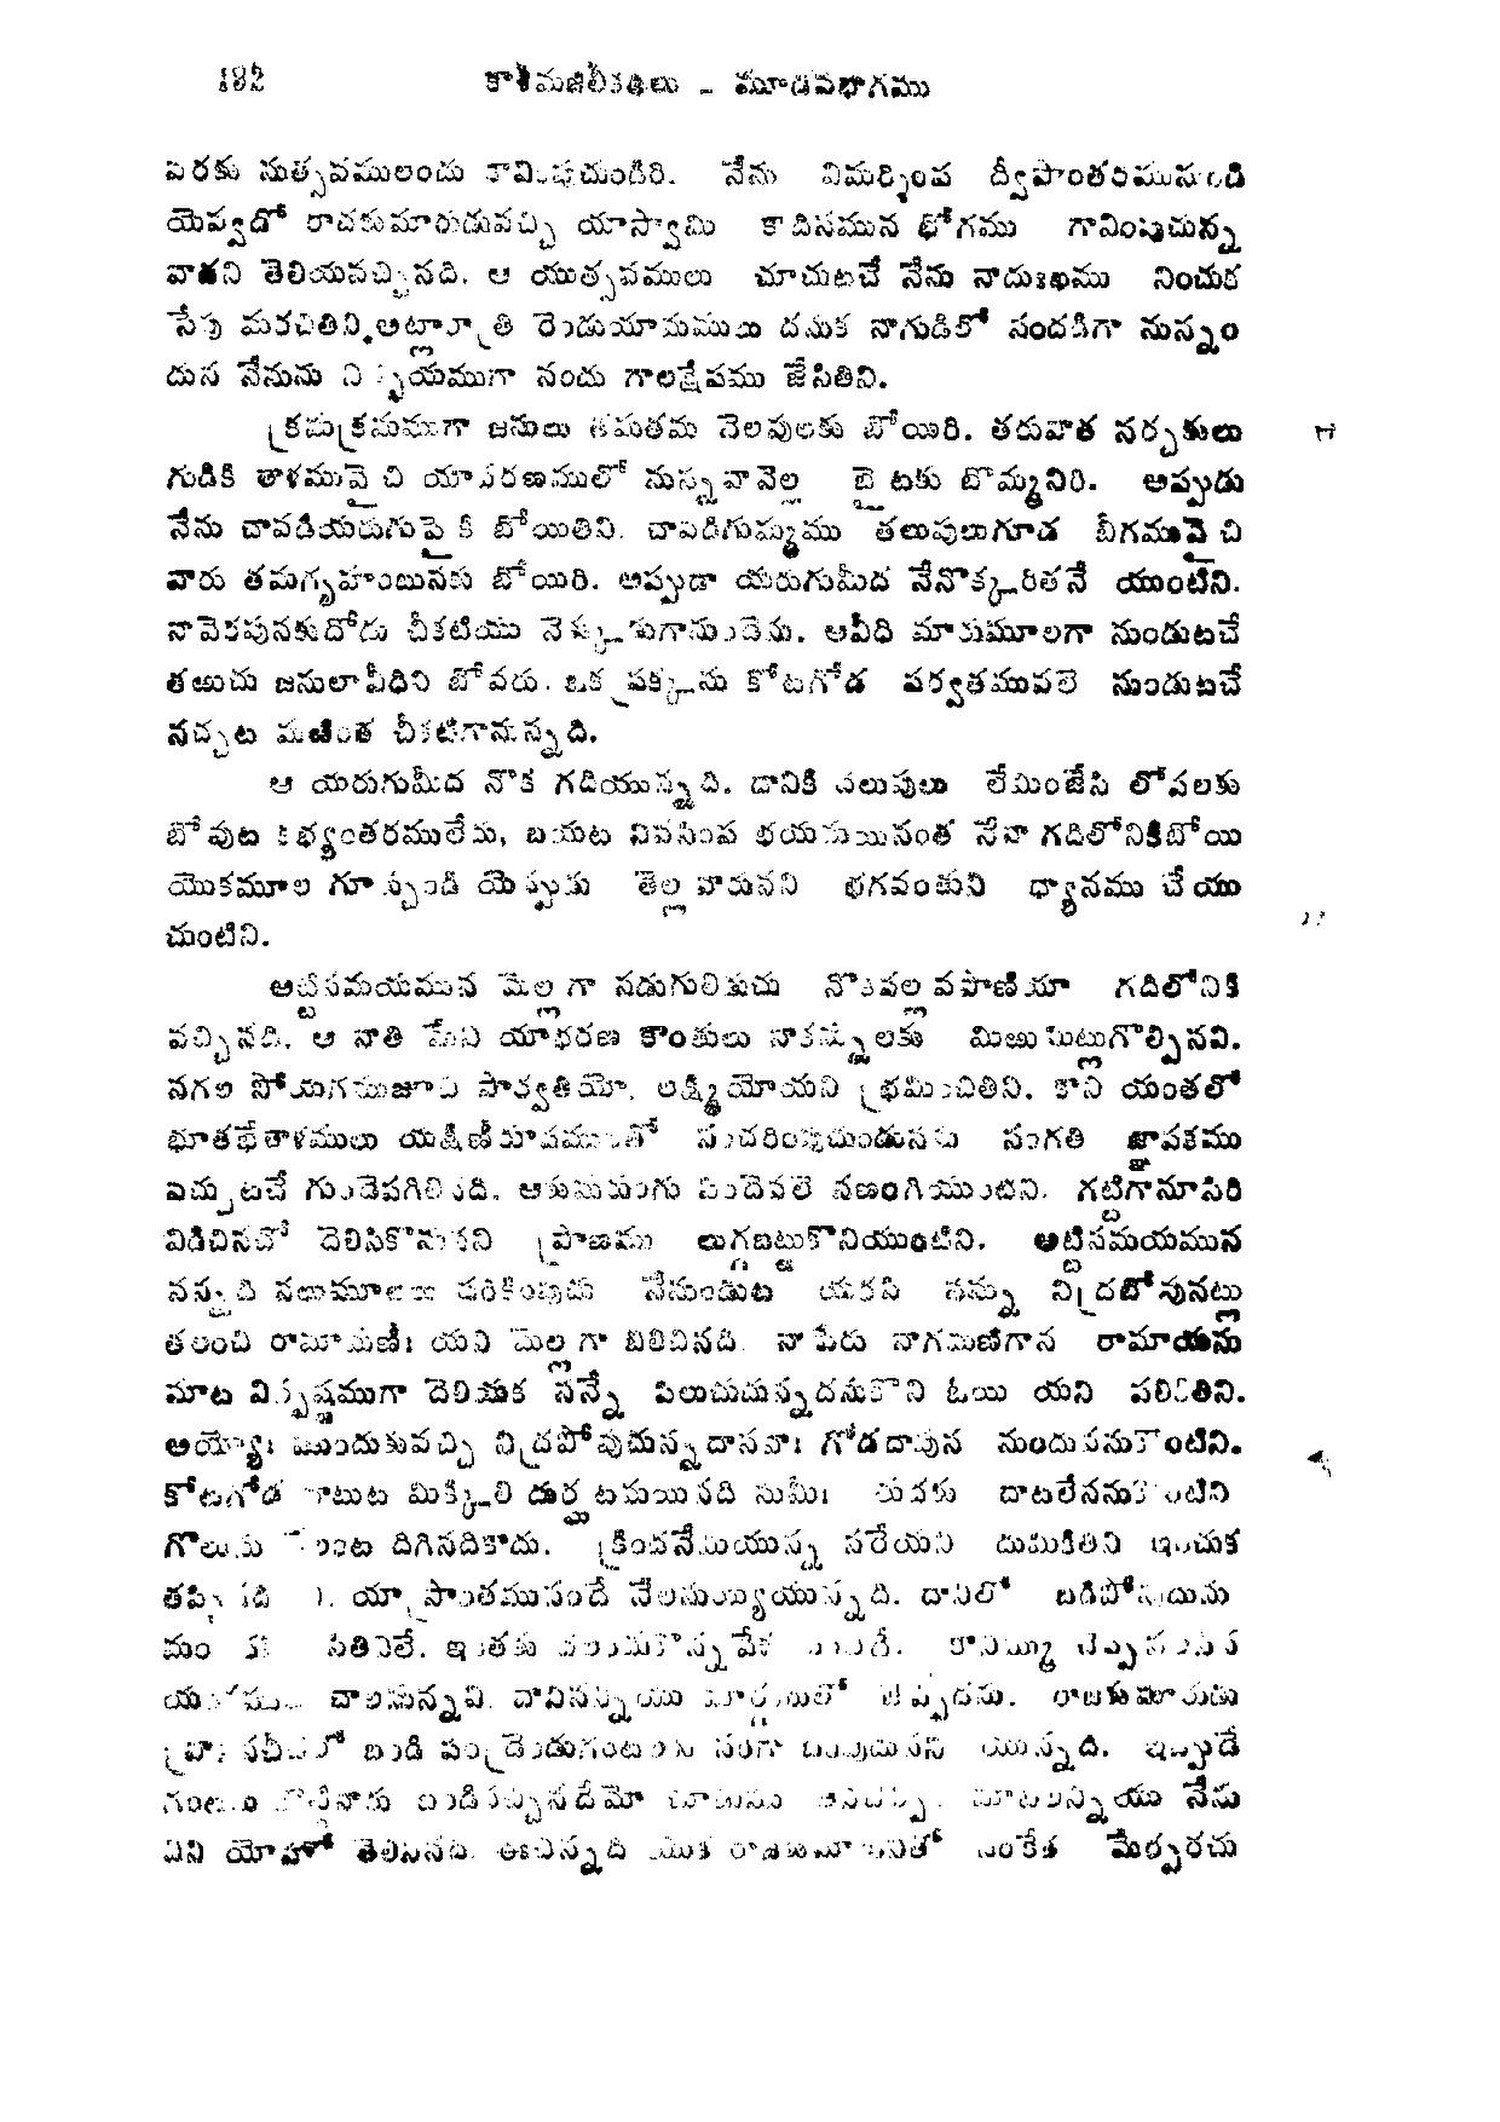వరకు నుత్సవములందు కావింపుచుండిరి. నేను విమర్శింప ద్వీపాంతంరమునుండి యెవ్వడో రాచకుమారుడువచ్చి యాస్వామి కాదినమున భోగము గావింపుచున్నవాడని తెలియవచ్చి నది. ఆ యుత్సవములు చూచుటచే నేను నాదుఃఖము నించుక సేపు మరచితిని. అట్లారాత్రి రెండుయామములు దనుక నాగుడిలో సందడిగా నున్నందున నేనును నిర్భయముగా నందు గాలక్షేపము జేసితిని.

క్రమక్రమముగా జనులు తమతమ నెలవులకు బోయిరి. తరువాత నర్చకులు గుడికి తాళమువైచి యావరణములో నున్నవారినెల్ల బైటకు బొమ్మనిరి. అప్పుడు నేను చావడియరుగుపైకి బోయితిని. చావడిగుమ్మము తలుపులుగూడ బీగమువైచి వారు తమగృహంబునకు బోయిరి. అప్పుడా యరుగుమీద నేనొక్కరితనే యుంటిని. నావెరపునకుదోడు చీకటియు నెక్కుడుగానుండెను. అవీథి మారుమూలగా నుండుటచే తఱుచు జనులా వీథిని బోవరు. ఒక ప్రక్కను కోటగోడ పర్వతమువలె నుండుటచే నచ్చట మఱింత చీకటిగానున్నది.

ఆ యరుగుమీద నొక గదియున్నది. దానికి దలుపులు లేమింజేసి లోపలకు బోవుట కభ్యంతరములేదు, బయట నివసింప భయమయినంత నేనా గదిలోనికిబోయి యొకమూల గూర్చుండి యెప్పుడు తెల్లవారునని భగవంతుని ధ్యానము చేయుచుంటిని.

అట్టిసమయమున మెల్లగా నడుగులిడుచు నొకపల్లవపాణియా గదిలోనికి వచ్చినది. ఆ నాతి మేని యాభరణ కాంతులు నాకన్నులకు మిఱుమిట్లుగొల్పినవి. నగల సోయగము జూచి పార్వతియో, లక్ష్మియోయని భ్రమించితిని. కాని యంతలో భూతభేతాళములు యక్షిణీరూపములతో సంచరింపుచుండునను సంగతి జ్ఞాపకము వచ్చుటచే గుండెపగిలినది. ఆకుమరుంగు పిందెవలె నణంగియుంటిని. గట్టిగానూపిరి విడిచినచో దెలిసికొనునని ప్రాణము లుగ్గబట్టుకొనియుంటిని. అట్టిసమయమున నన్నది నలుమూలలు బరికింపుచు నేనుండుట యరసి నన్ను నిద్రబోవునట్లు తలంచి రామామణీ! యని మెల్లగా బిలిచినది. నాపేరు నాగమణిగాన రామాయను మాట విస్పష్టముగా దెలియక నన్నే పిలుచుచున్నదనుకొని ఓయి యని పలికితిని. అయ్యో! ముందుకువచ్చి నిద్రపోవుచున్నదానవా? గోడదాపున నుందువనుకొంటిని. కోటగోడ దాటుట మిక్కిలి దుర్ఘటమయినది సుమీ! తుదకు దాటలేననుకొంటిని గొలుసు నేలంట దిగినదికాదు. క్రిందనేమియున్న సరేయని దుమికితిని ఇంచుక తప్పినది కదా. యాప్రాంతమునందే నేలనుయ్యియున్నది. దానిలో బడిపోవుదును ------సితినిలే. ఇంతకు దలంచుకొన్నవేళ దాటినదే. కానిమ్ము చెప్పవలసిన యంశములు చాలనున్నవి. వానినన్నియు మార్గములో జెప్పెదను. రాజకుమారుడు వ్రాసినచీటిలో బండి పండ్రెండుగంటలకు సరిగా బంపుదునని యున్నది. ఇప్పుడే గంటలు గొట్టినారు బండివచ్చినదేమో చూడుము అనిచెప్పిన మాటలన్నియు నేను విని యోహో తెలిసినది. ఈచిన్నది యొక రాజకుమారునితో సంకేత మేర్పరచు